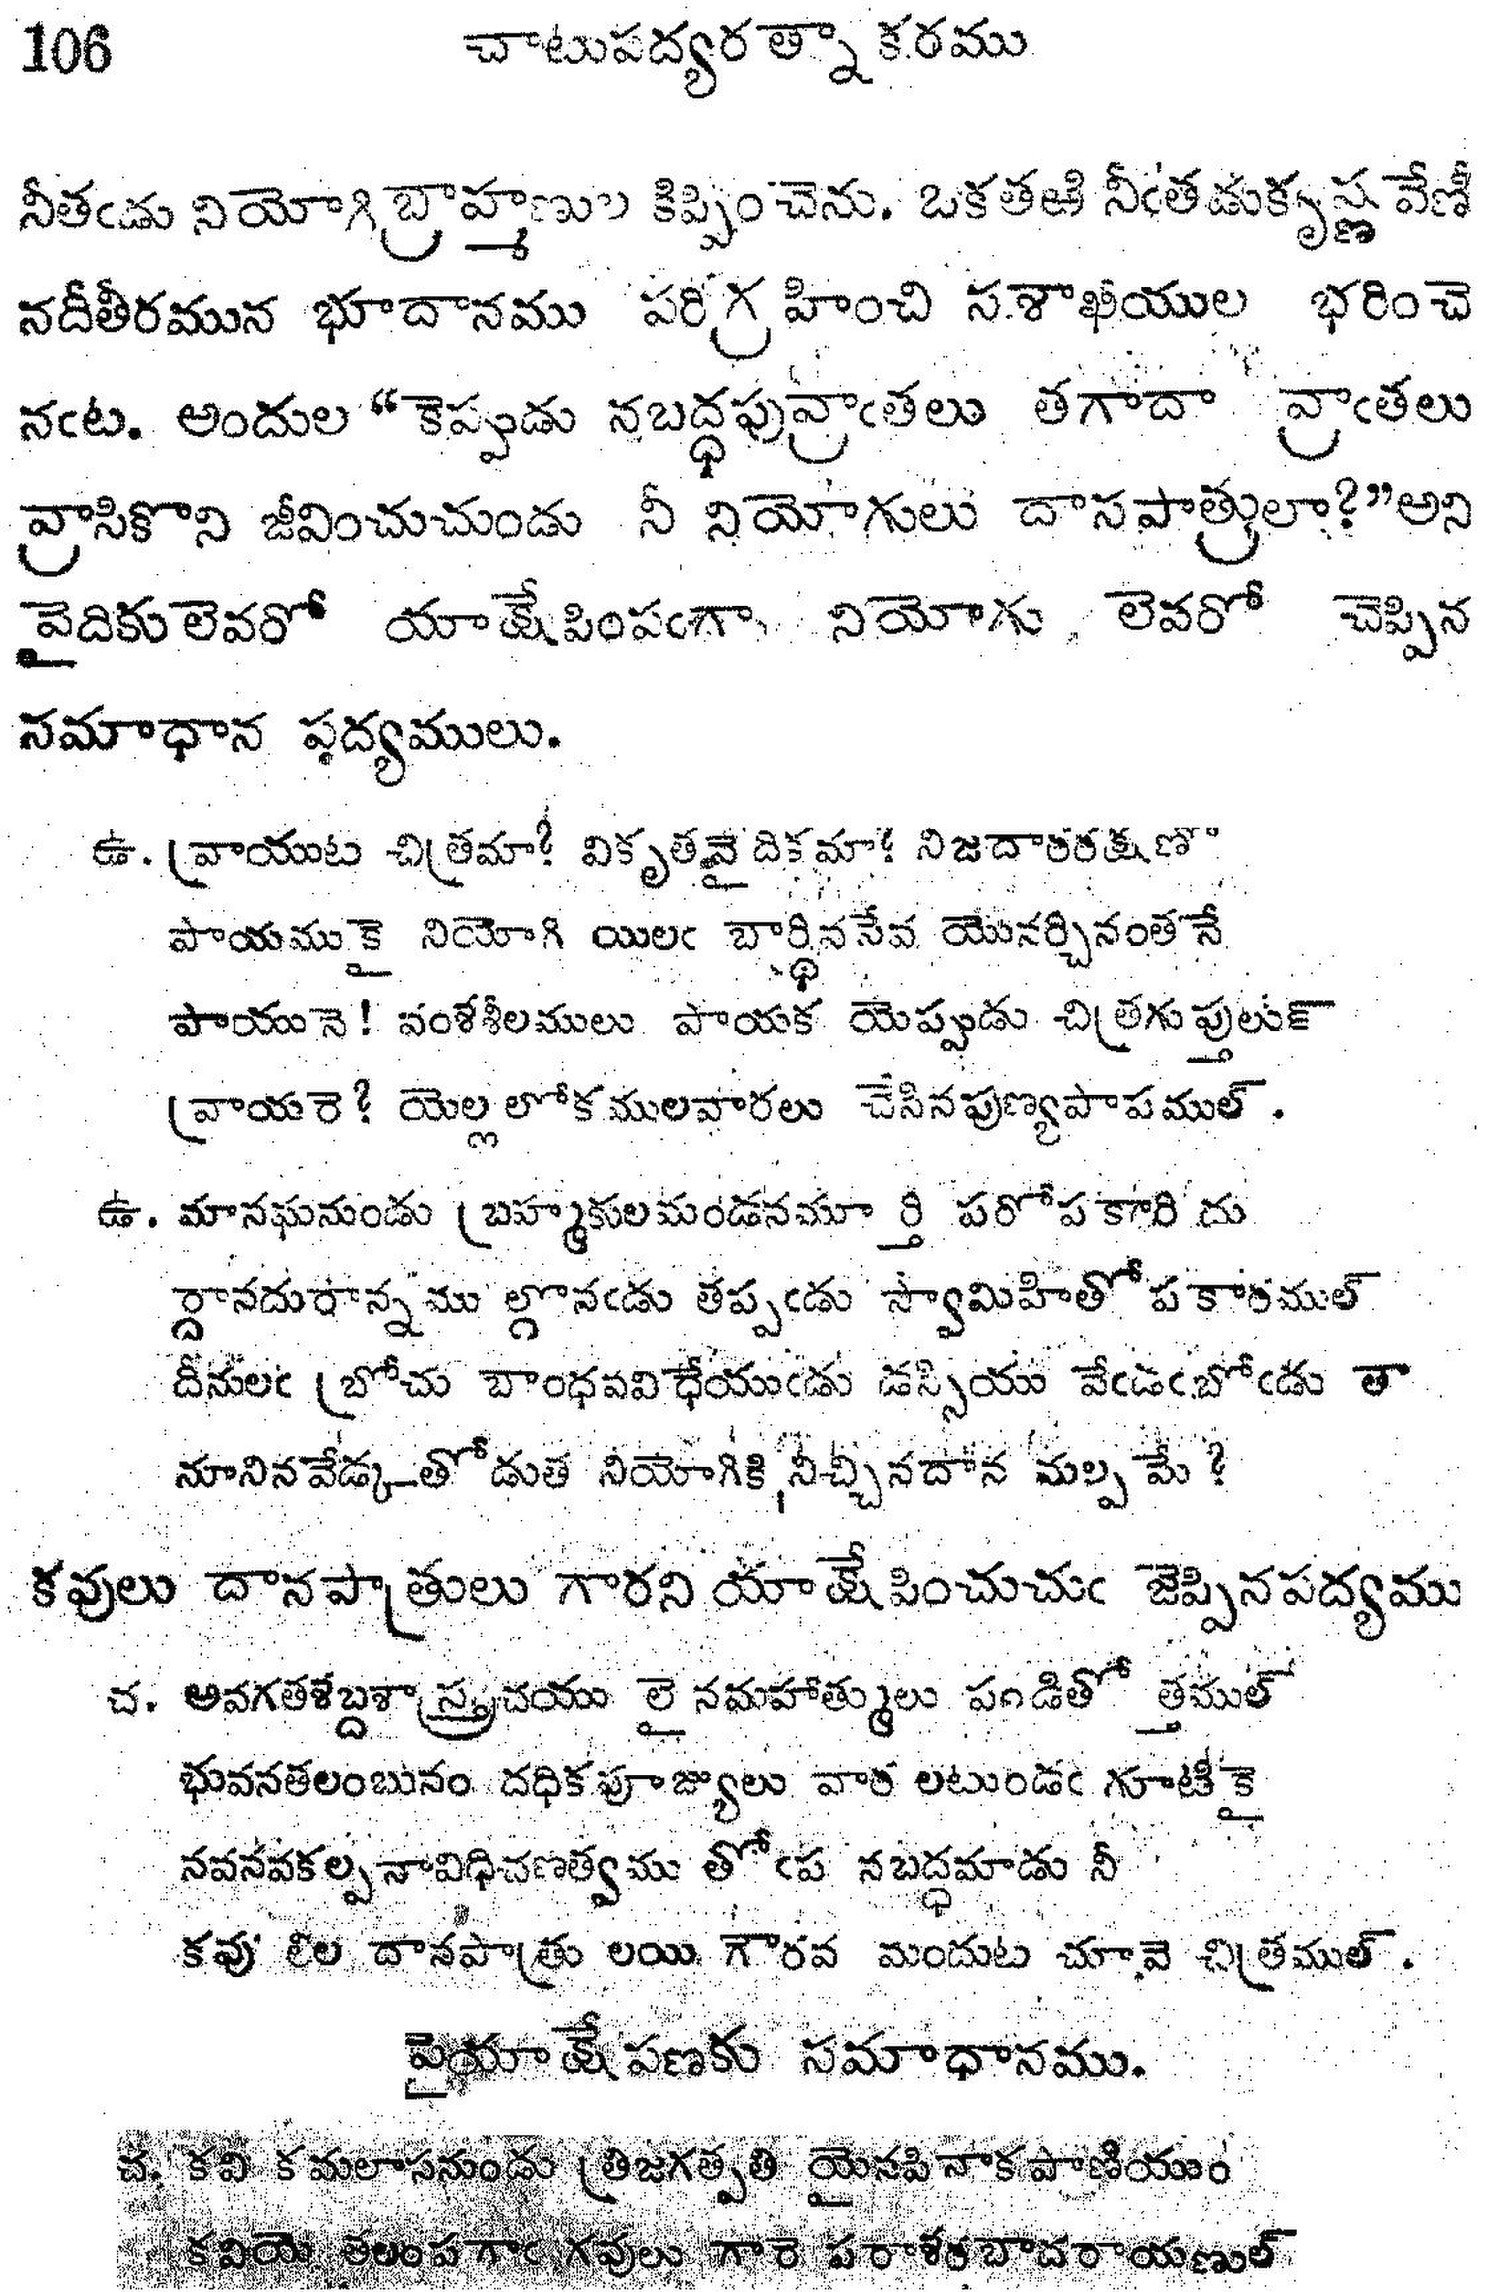నీతఁడు నియోగిబ్రాహ్మణుల కిప్పించెను. ఒకతఱి నీతఁడు కృష్ణవేణీనదీతీరమున భూదానము పరిగ్రహించి సశాఖీయుల భరించెనఁట. అందుల “కెప్పుడు నబద్ధపువ్రాఁతలు తగాదావ్రాఁతలు వ్రాసికొని జీవించుచుండు నీ నియోగులు దానపాత్రులా?” అని వైదికులెవరో యాక్షేపింపఁగా నియోగు లెవరో చెప్పిన సమాధానపద్యములు—

ఉ. వ్రాయుట చిత్రమా? వికృతవైదికమా? నిజదారరక్షణో
 పాయముకై నియోగి యిలఁ బార్థివసేవ యొనర్చినంతనే
 పాయునె! వంశశీలములు పాయక యెప్పుడు చిత్రగుప్తులున్
 వ్రాయరె? యెల్లలోకములవారలుఁ జేసిన పుణ్యపాపముల్.

ఉ. మానఘనుండు బ్రహ్మకులమండనమూర్తి పరోపకారి దు
 ర్దానదురన్నముల్ గొనఁడు తప్పఁడు స్వామిహితోపకారముల్
 దీనులఁ బ్రోచు బాంధవవిధేయుఁడు డస్సియు వేఁడఁబోఁడు తా
 నూనినవేడ్కతోడుత నియోగికి నిచ్చినదాన మల్పమే?

కవులు దానపాత్రులు గారని యాక్షేపించుచుఁ జెప్పిన పద్యము—

చ. అవగతశబ్దశాస్త్రచయు లైన మహాత్ములు పండితోత్తముల్
 భువనతలంబునం దధికపూజ్యులు వార లటుండఁ గూటికై
 నవనవకల్పనావిధిచణత్వము తోఁప నబద్ధమాడు నీ
 కవు లిల దానపాత్రు లయి గౌరవమందుట చూవె చిత్రముల్!

పై యాక్షేపణకు సమాధానము—

చ. కవి కమలాసనుండు త్రిజగత్పతి యైనపినాకపాణియుం
 కవియె తలంపఁగాఁ గవులుకారె పరాశరబాదరాయణుల్